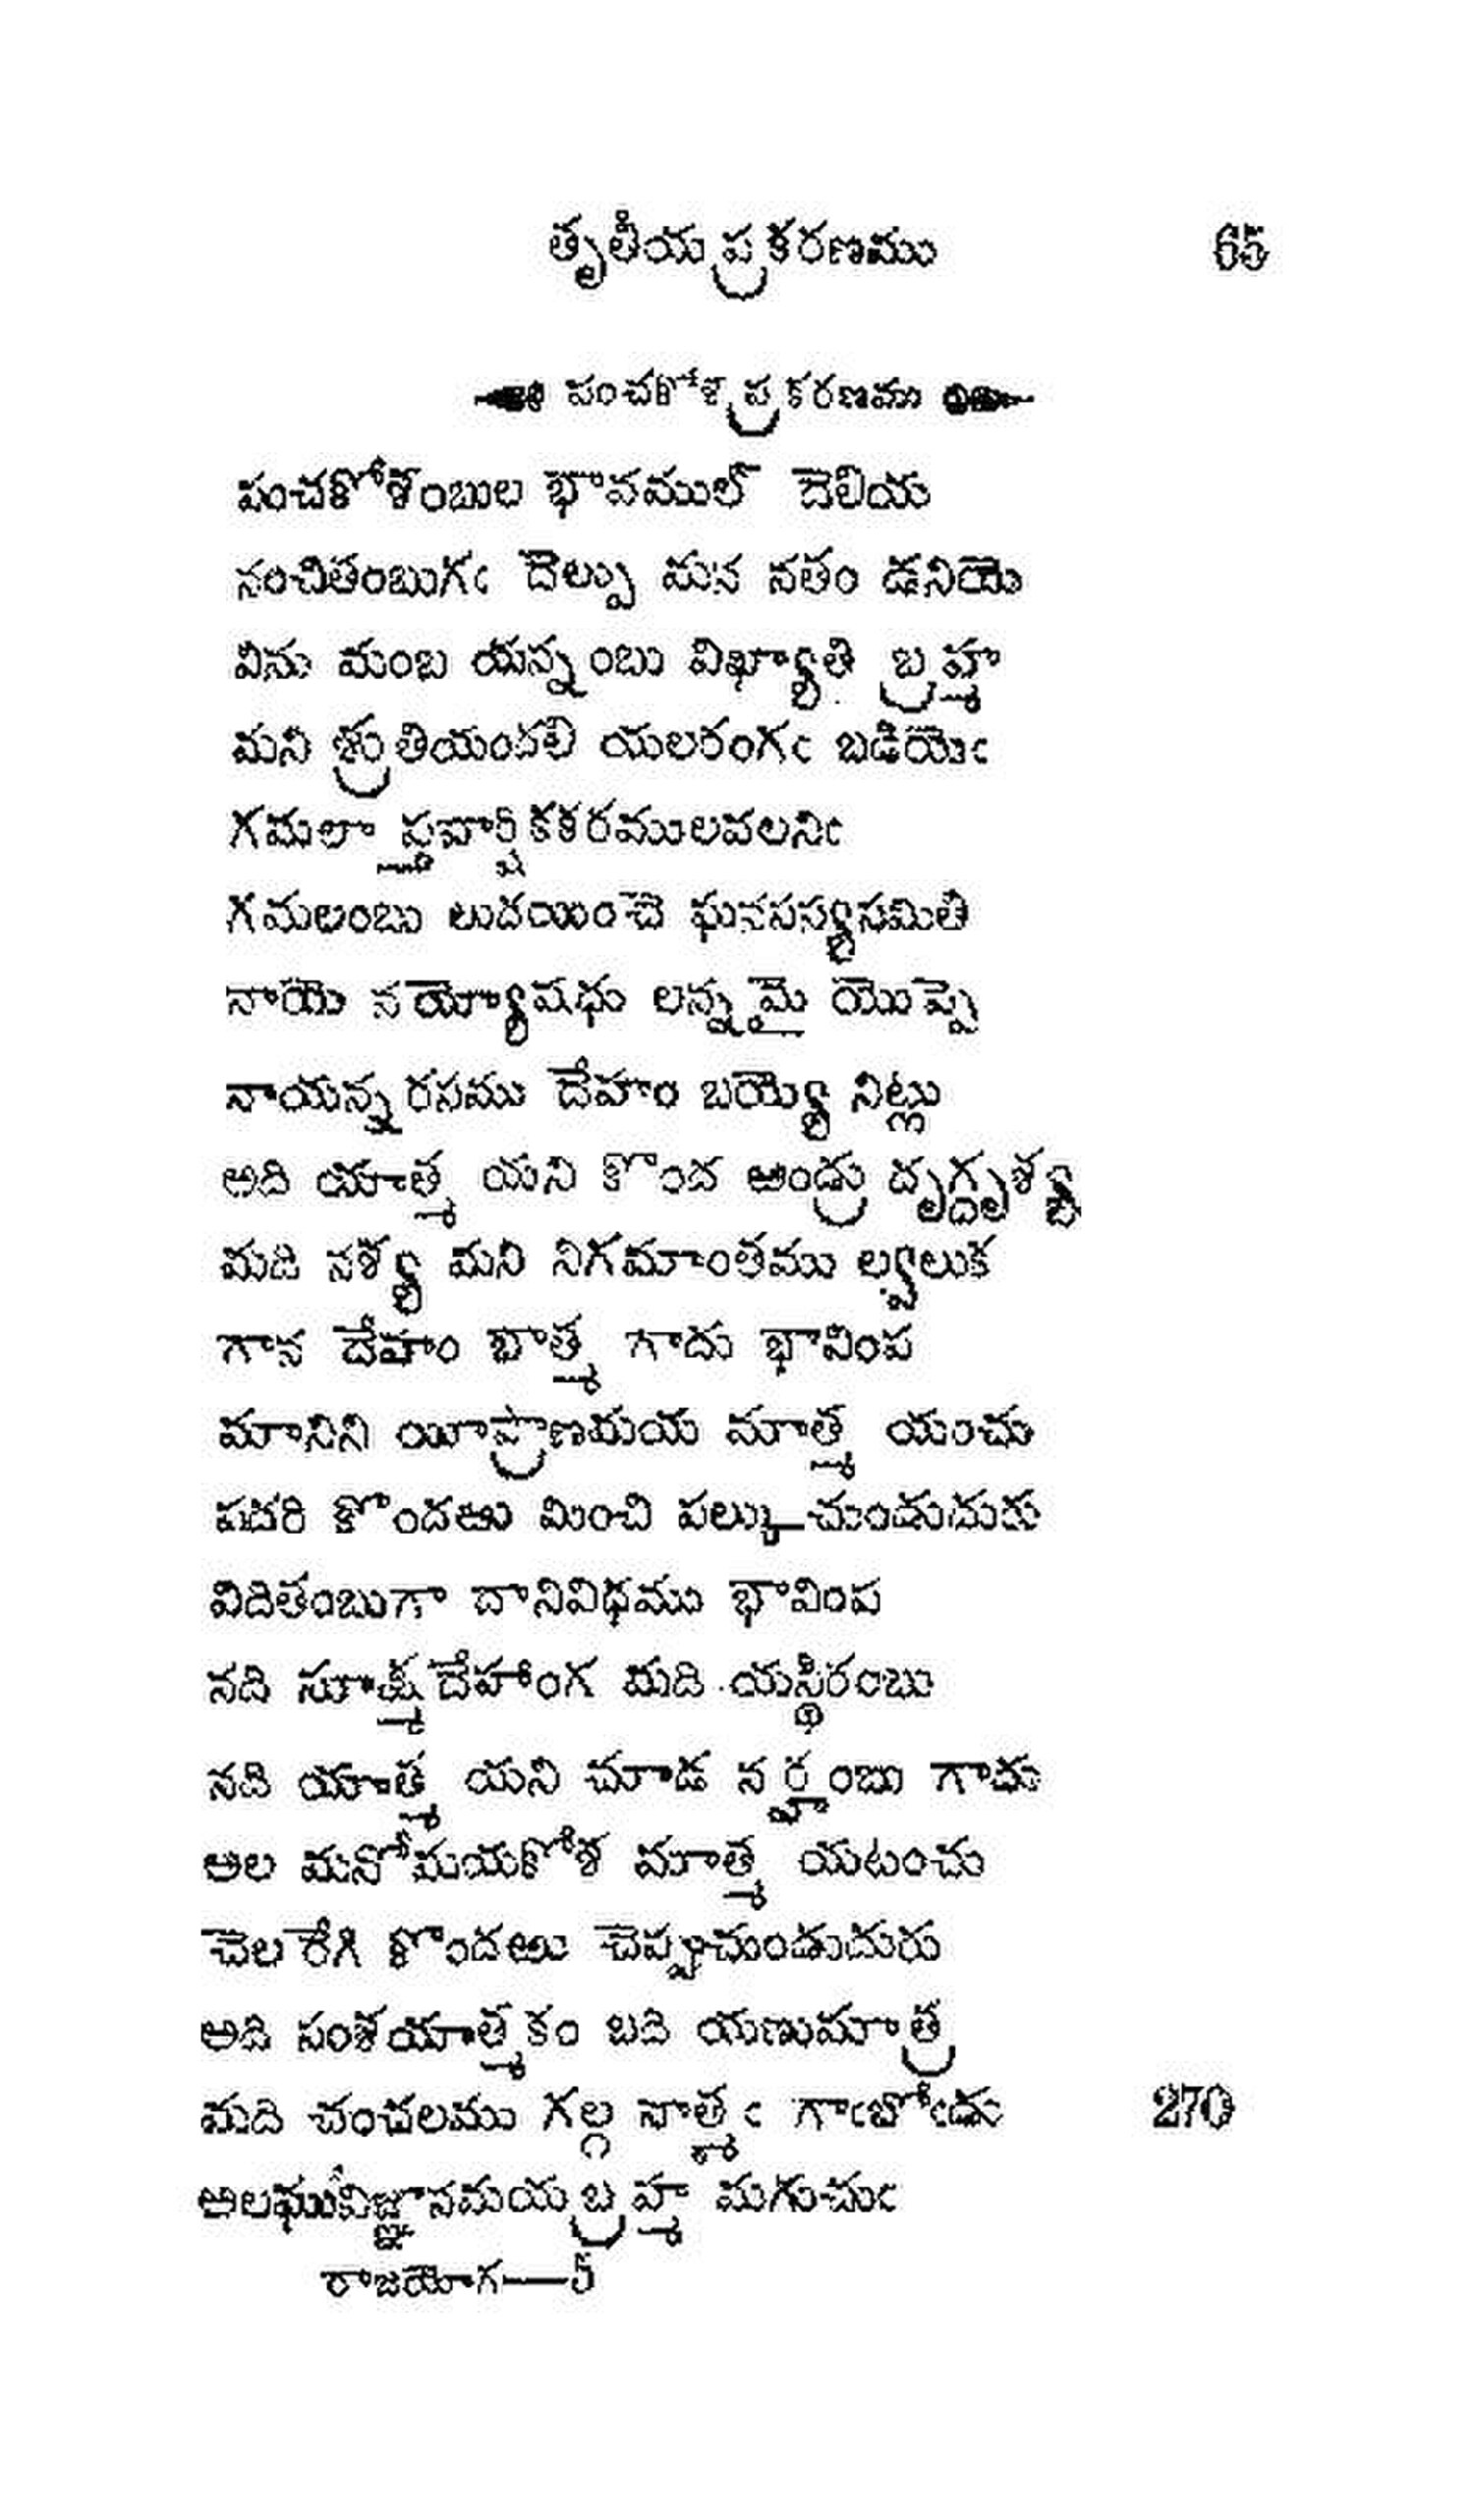పంచకోశంబుల భావముల్ దెలియ
నంచితంబుగఁ దెల్పు మన నతం డనియె 
విను మంబ యన్నంబు విఖ్యాతి బ్రహ్మ
మని శ్రుతియందలి యలరంగఁ బడియెఁ
గమలాప్తవార్షికకరములవలనిఁ
గమలంబు లుదయించె ఘనసస్యసమితి
నాయె నయ్యోషధు లన్నమై యొప్పె
నాయన్నరసము దేహం బయ్యె నిట్లు
అది యాత్మ యని కొంద ఱండ్రు దృగ్దృశ్య
మది నశ్య మని నిగమాంతము ల్వలుక
గాన దేహం బాత్మ గాదు భావింప
మానిని యీప్రాణమయ మాత్మ యంచు
పదరి కొందఱు మించి పల్కుచుండుదురు 
విదితంబుగా దానివిధము భావింప
నది సూక్ష్మదేహాంగ మది యస్థిరంబు
నది యాత్మ యని చూడ నర్హంబు గాదు 
అల మనోమయకోశ మాత్మ యటంచు
చెలరేగి కొందఱు చెప్పుచుండుదురు
అది సంశయాత్మకం బది యణుమాత్ర
మది చంచలము గల్గ నాత్మఁ గాఁబోఁడు 
ఆలఘువిజ్ఞానమయబ్రహ్మ మగుచుఁ